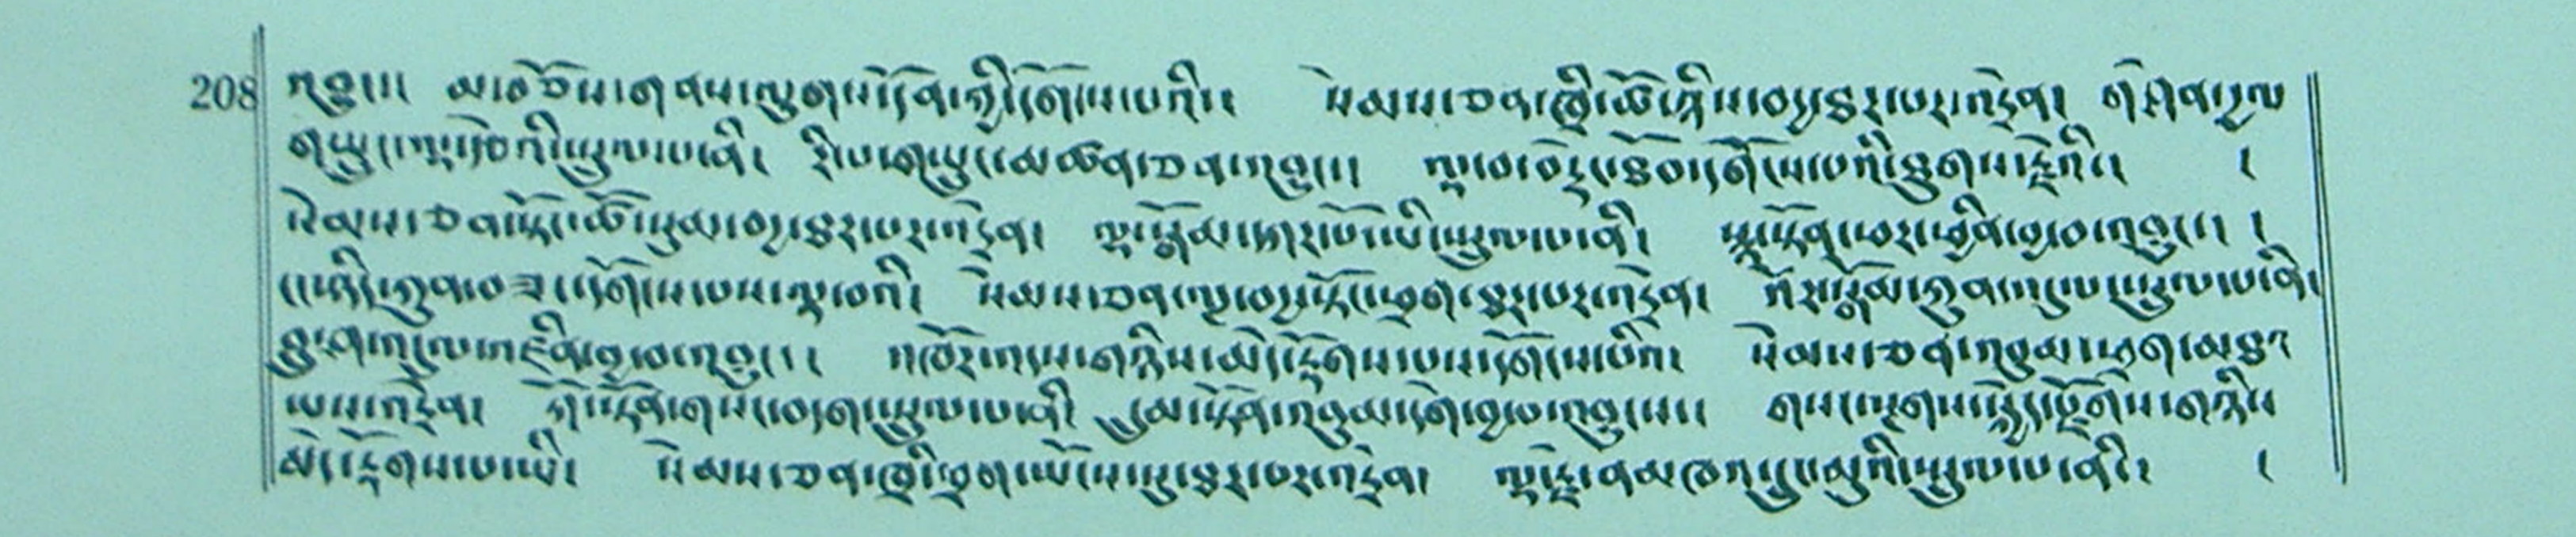འབྱུང་། མ་བཅོས་གནས་ལུགས་དོན་གྱི་དགོངས་པའི། སེམས་ཅན་ཁྲི་ཚོ་ཉིན་བརྒྱ་ཐར་བར་འདྲེན། གཤེན་རྒྱལ་
གཡུང་དྲུང་ལྷ་རྩེའི་སྤྲུལ་པ་ནི། རི་པ་གཡུང་དྲུང་མཚན་ཅན་འབྱུང་། ལྟ་བ་རྡེངས་ཐོབ་དགོངས་པའི་ཐུགས་རྗེ་ཡིས། 
སེམས་ཅན་སྟོང་ཚོ་སུམ་བརྒྱ་ཐར་བར་འདྲེན། ལྷ་སྒོམ་དཀར་པོ་ཡི་སྤྲུལ་པ་ནི། སྙ་སྟོན་ཕར་ཕྱིན་བྱ་བ་འབྱུང་། 
ངང་ཉིད་ཀུན་བཟང་དགོངས་པས་ལྟ་བ་ཡིས། སེམས་ཅན་ལྔ་བརྒྱ་སྟོང་ཕྲག་ཐར་བར་འདྲེན། འོར་སྒོམ་ཀུན་འདུལ་སྤྲུལ་པ་ནི། 
བྲུ་ཤ་འདུལ་འཛིན་བྱ་བ་འབྱུང་། འཁོར་འདས་གཉིས་མེད་རྟོགས་པས་དགོངས་པ་ཡིས། སེམས་ཅན་འབུམ་ཕྲག་མཐའ་
ཡས་འདྲེན། ཀོ་སྟོན་གསང་བདག་སྤྲུལ་པ་ནི། དྲུམ་སྟོན་འབུམ་དགེ་བྱ་བ་འབྱུང་། གསང་སྔགས་བསྐྱེད་རྫོགས་གཉིས་
མེད་རྟོགས་པ་ཡིས། སེམས་ཅན་ཁྲི་ཕྲག་ཡོངས་སུ་ཐར་བར་འདྲེན། ལྷ་རྗེ་ནམ་མཁའ་དྲུང་མུའི་སྤྲུལ་པ་ནི།